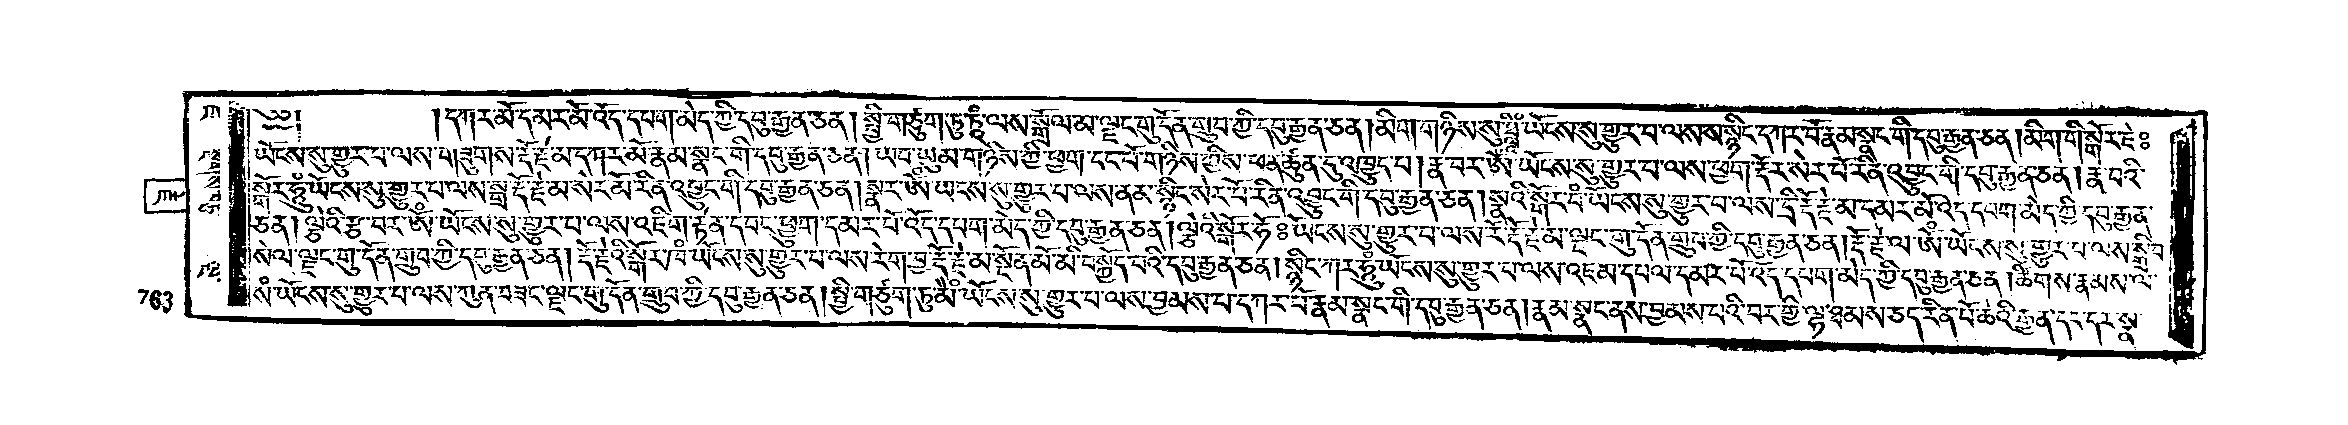༄༅། །དཀར་མོ་དམར་མོ་འོད་དཔག་མེད་ཀྱི་དབུ་རྒྱན་ཅན། སྤྱི་གཙུག་ཏུ་ཏའཾ་ལས་སྒྲོལ་མ་ལྗང་གུ་དོན་གྲུབ་ཀྱི་དབུ་རྒྱན་ཅན། མིག་གཉིས་སུ་ཐླཱིཾ་ཡོངས་སུ་གྱུར་པ་ལས་ས་སྙིང་དཀར་པོ་རྣམ་སྣང་གི་དབུ་རྒྱན་ཅན། མིག་གི་སྒོར་ཛཿ
ཡོངས་སུ་གྱུར་པ་ལས་གཟུགས་རྡོ་རྗེ་མ་དཀར་མོ་རྣམ་སྣང་གི་དབུ་རྒྱན་ཅན། ཡབ་ཡུམ་གཉིས་ཀྱི་ཕྱག་དང་པོ་གཉིས་ཀྱིས་ཕན་ཚུན་དུ་འཁྱུད་པ། རྣ་བར་ཨོཾ་ཡོངས་སུ་གྱུར་པ་ལས་ཕྱག་རྡོར་སེར་པོ་རིན་འབྱུང་གི་དབུ་རྒྱན་ཅན། རྣ་བའི་
སྒོར་ཧཱུཾ་ཡོངས་སུ་གྱུར་པ་ལས་སྒྲ་རྡོ་རྗེ་མ་སེར་མོ་རིན་འབྱུང་གི་དབུ་རྒྱན་ཅན། སྣར་ཨོཾ་ཡོངས་སུ་གྱུར་པ་ལས་ནམ་སྙིང་སེར་པོ་རིན་འབྱུང་གི་དབུ་རྒྱན་ཅན། སྣའི་སྒོར་པཾ་ཡོངས་སུ་གྱུར་པ་ལས་དྲི་རྡོ་རྗེ་མ་དམར་མོ་འོད་དཔག་མེད་ཀྱི་དབུ་རྒྱན་
ཅན། ལྕེའི་རྩ་བར་ཨོཾ་ཡོངས་སུ་གྱུར་པ་ལས་འཇིག་རྟེན་དབང་ཕྱུག་དམར་པོ་འོད་དཔག་མེད་ཀྱི་དབུ་རྒྱན་ཅན། ལྕེའི་སྒོར་ཧོཿ ཡོངས་སུ་གྱུར་པ་ལས་རྡོ་རྗེ་མ་ལྗང་གུ་དོན་གྲུབ་ཀྱི་དབུ་རྒྱན་ཅན། རྡོ་རྗེ་ལ་ཨོཾ་ཡོངས་སུ་གྱུར་པ་ལས་སྒྲིབ་
སེལ་ལྗང་གུ་དོན་གྲུབ་ཀྱི་དབུ་རྒྱན་ཅན། རྡོ་རྗེའི་སྒོར་ཁཾ་ཡོངས་སུ་གྱུར་པ་ལས་རེག་བྱ་རྡོ་རྗེ་མ་སྔོན་མོ་མི་བསྐྱོད་པའི་དབུ་རྒྱན་ཅན། སྙིང་ཀར་ཧཱུཾ་ཡོངས་སུ་གྱུར་པ་ལས་འཇམ་དཔལ་དམར་པོ་འོད་དཔག་མེད་ཀྱི་དབུ་རྒྱན་ཅན། ཚིགས་རྣམས་ལ་
སཾ་ཡོངས་སུ་གྱུར་པ་ལས་ཀུན་བཟང་ལྗང་གུ་དོན་གྲུབ་ཀྱི་དབུ་རྒྱན་ཅན། སྤྱི་གཙུག་ཏུ་མཻཾ་ཡོངས་སུ་གྱུར་པ་ལས་བྱམས་པ་དཀར་པོ་རྣམ་སྣང་གི་དབུ་རྒྱན་ཅན། རྣམ་སྣང་ནས་བྱམས་པའི་བར་གྱི་ལྷ་ཐམས་ཅད་རིན་པོ་ཆེའི་རྒྱན་དང་དར་སྣ་